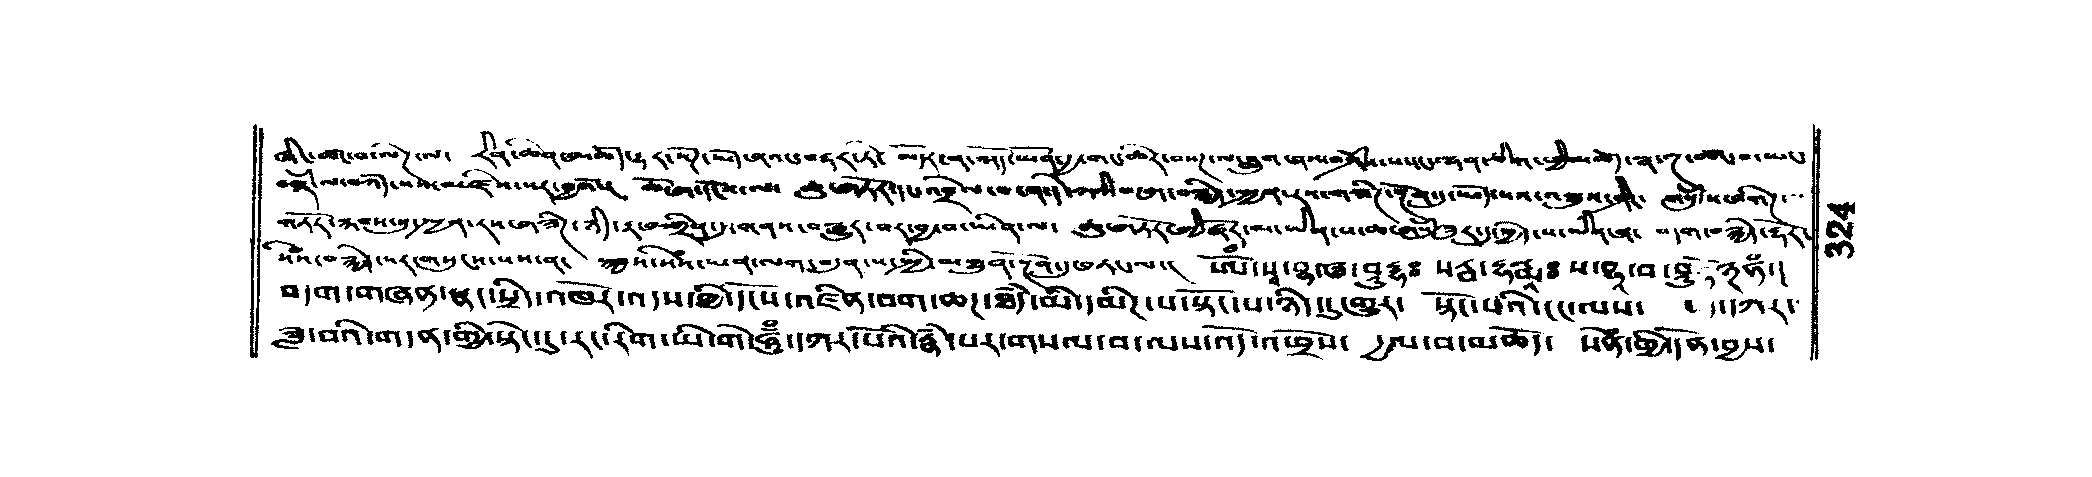ཞིང་ཚང་བ་ལེགས་ལ། རིན་ཆེན་མཆོད་རྡར་སོགས་ཡོད་ནའང་བརྡར་ཏེ། མདོར་ན་འདོད་ཡོན་རྒྱ་གང་ཆེར་བསགས་པ་བླུག་ནས་བཤམས་པ་དང་ལྷན་ཅིག་ཕྱི་མཆོད་སྣ་སྔ་ཚང་བ་ཡང་
བཤམ་ལ་བཀོད་པས་མཛེས་པར་བྱའོ། ཆོ་ག་དངོས་ལ། ཆུ་གཏོར་དང་འབྲེལ་བ་ན་དེ་ཀའི་བདག་བསྐྱེད་སྤྱན་རས་གཟིགས་སྔོན་དུ་ཡོད་པས་འཐུས་ཤིང་། གསུམ་པ་བགེགས་
གཏོར་སྐབས་སུ་སྤྱན་རས་གཟིགས་ཉིད་རྟ་མགྲིན་དུ་གནས་བསྒྱུར་བར་བྱ་བ་ཡིན་ལ།ཆུ་གཏོར་གྱི་ཞོར་མ་ཡིན་པ་ཆ་གསུམ་ཟུར་དུ་བྱེད་པ་ཡིན་ན། བདག་བསྐྱེད་རྡོར་
སེམས་བསྐྱེད་པར་གསུངས་པས་ན། སྐྱབས་སེམས་ཡན་ལག་བདུན་པ་སྤྱི་མཐུན་སྔོན་དུ་བཏང་ལ། ཨོཾསྭ་བྷ་ཝ་ཤཱུདྷཿསརྦ་དྷརྨཱ་སྭ་བྷ་ཤཱུདྷོ྅་ཧཾ། 
བདག་གཞན་སྣང་སྲིད་འཁོར་འདས་གྱི་དངོས་འཛིན་བག་ཆགས་ཐམས་ཅད་མི་དམིགས་པ་སྟོང་པ་ཉིད་དུ་གྱུར། སྟོང་པའི་ངང་ལས་ པད་དཀར་
ཟླ་བའི་གདན་གྱི་སྟེང་དུ་རང་རིག་ཡི་གེ་ཧཱུྃ་དཀར་པོའི་རྣམ་པར་གསལ་བ་ལས་འོད་འཕྲོས། རྒྱལ་བ་མཆོད། སེམས་ཅན་གྱི་དོན་བྱས་